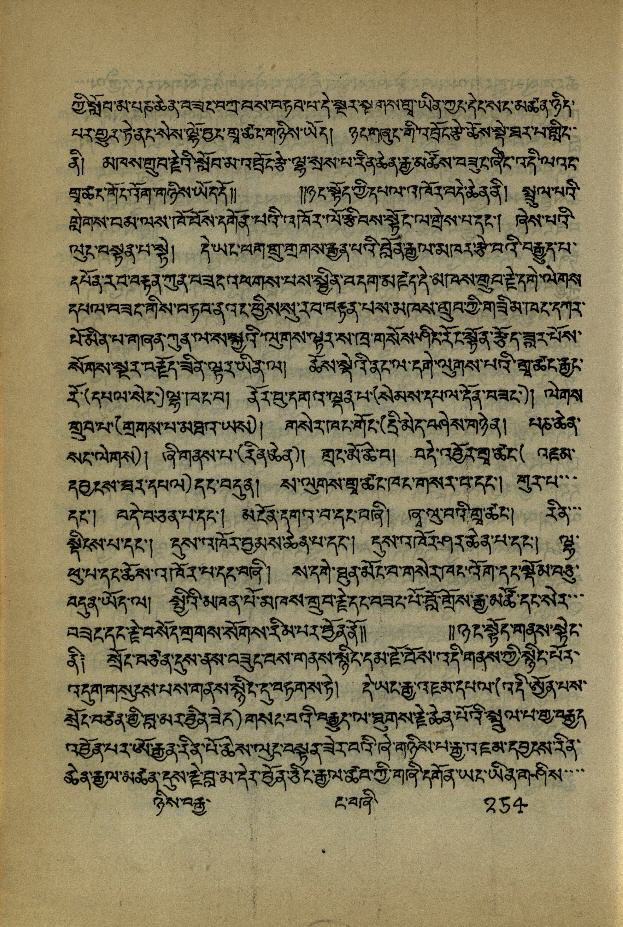ཀྱི་སློབ་མ་པཎ་ཆེན་བཟང་བཀྲ་བས་བཏབ་པ་དེ་སྔར་སྔགས་གྲྭ་ཡིན་ཀྱང་དེང་སང་མཚན་ཉིད་
པར་གྱུར་ཏེ་ནང་སེས་ལྷོ་བྱང་གྲྭ་ཚང་གཉིས་ཡོད། ཉང་གཞུང་གི་འབྲོང་རྩེ་ཆོས་སྡེ་ཐར་པ་གླིང་
ནི། མཁས་གྲུབ་རྗེའི་སློབ་མ་འབྲོང་རྩེ་ལྷ་སྲས་པ་རིན་ཆེན་རྒྱ་མཚོས་བཟུང་ཞིང་འདི་ལའང་
གྲྭ་ཚང་གོང་འོག་གཉིས་ཡོད་དོ།། །།ཉང་སྟོད་ཀྱི་དཔལ་འཁོར་བདེ་ཆེན་ནི། སྤྲུལ་པའི་
གླེགས་བམ་ལས་ཁོ་བོས་དགོན་པའི་འཁོར་ལོ་རྩིབས་སྟོང་ལ་གྲེས་པ་དང་། ཞེས་པའི་
ལུང་བསྟན་པ་སྟེ། དེ་ཡང་ཕག་གྲུ་གྲགས་རྒྱན་པའི་བློན་རྒྱལ་མཁར་རྩེ་བའི་བརྒྱུད་པ་
དཔོན་རབ་བརྟན་ཀུན་བཟང་འཕགས་པས་སྦྱིན་བདག་མཛད་དེ་མཁས་གྲུབ་རྗེ་དགེ་ལེགས་
དཔལ་བཟང་གིས་བཏབ་ནའང་ཕྱིས་སུ་རབ་བརྟན་པས་མཁས་གྲུབ་ཀྱི་གཟིམ་ཁང་དཀར་
པོ་མིན་པ་གཞན་ཀུན་ལ་ས་སྐྱའི་ལུགས་ལྟར་ས་ཁྲ་གསོས་ཤིང་རོང་སྟོན་རྩོད་ཟླར་པོས་
སོགས་སྔར་བརྗོད་ཟིན་ལྟར་ཡིན་ལ། ཆོས་སྡེའི་ནང་ལ་དགེ་ལུགས་པའི་གྲྭ་ཚང་རྒྱང་
རོ་དཔལ་སེང་ལྷ་ཁང་བ། ནོར་བུ་དགའ་ལྡན་པ་སེམས་དཔལ་དོན་བཟང། ལེགས་
གྲུབ་པ་གྲགས་པ་མཐའ་ཡས། གསེར་ཁང་གོང་དྲི་མེད་བཤེས་གཉེན། པཎ་ཆེན་
སང་ལེགས། ཞི་གནས་པ་རིན་ཆེན། གྲང་མོ་ཆེ་བ། བདེ་འབྱོར་གྲྭ་ཚང་འཇམ་
དབྱངས་ཐར་དཔལ་དང་བདུན། ས་ལུགས་གྲྭ་ཚང་ཁང་གསར་བ་དང་། གུར་པ་
དང་། བདེ་བ་ཅན་པ་དང་། མངོན་དགའ་བ་དང་བཞི། ཞྭ་ལུ་བའི་གྲྭ་ཚང་། རིན་
སྡིངས་པ་དང་། དུས་འཁོར་བྱམས་ཆེན་པ་དང་། དུས་འཁོར་ཤར་ཆེན་པ་དང་། ལྷ་
ཕུ་པ་དང་ཆོས་འཁོར་པ་དང་བཞི། ས་དགེ་ཐུན་མོང་བ་གསེར་ཁང་འོག་དང་སྡོམ་བཅུ་
བདུན་ཡོད་ལ། སྤྱིའི་མཁན་པོ་མཁས་གྲུབ་རྗེ་དང་བཟང་པོ་བློ་གྲོས་རྒྱ་མཚོ་དང་སེར་
བཟང་དང་རྗེ་བསོད་གྲགས་སོགས་རིམ་པར་བྱོན་ནོ།། །།ཉང་སྟོང་གནས་སྟེང་
ནི༑ སྲོང་བཙན་དུས་ནས་བཟུང་བས་གནས་སྙིང་དམ་ཇོ་བོས་འདི་གནས་ཀྱི་སྙིང་པོར་
འདུག་གསུངས་པས་གནས་སྙིང་དུ་བཏགས་ཏེ། དེ་ཡང་རྒྱ་འཇམ་དཔལ་འདི་ཨཡོན་པས་
སྲོང་བཙན་གྱི་བླ་མར་བྱིན་ཟེར་གསང་བའི་བརྒྱུད་ལ་ཐུགས་རྗེ་ཆེན་པོའི་སྤྲུལ་པ་རྒྱ་བརྒྱད་
འབྱོན་པར་ཨོ་རྒྱན་རིན་པོ་ཆེས་ལུང་བསྟན་ཟེར་བའི་ཞེ་གཉིས་པ་རྒྱ་འཇམ་དབྱངས་རིན་
ཆེན་རྒྱལ་མཚན་དུས་རྗེ་བླ་མ་དེར་བྱོན་ཅིང་རྒྱལ་ཚབ་ཀྱི་གཞི་དགོན་ཡང་ཡིན་གཤིས་